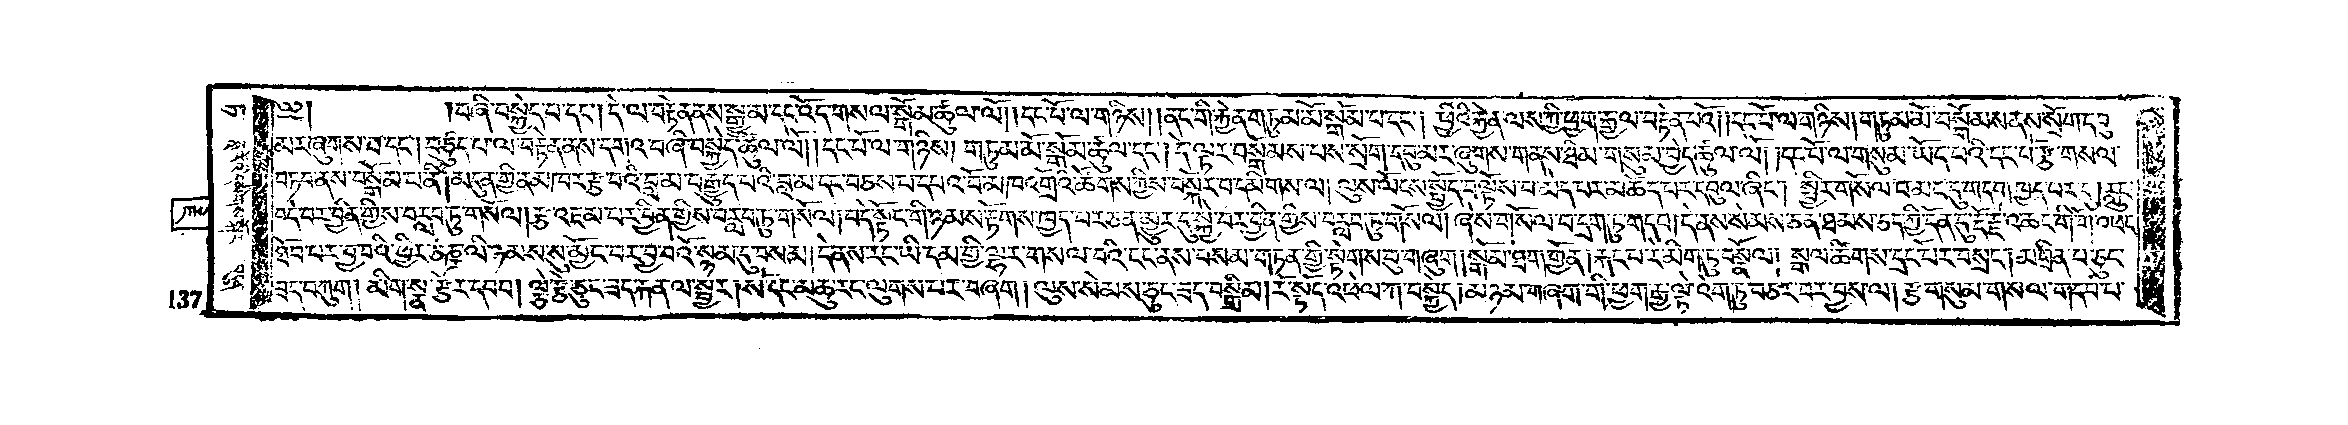༄༅། །བཞི་བསྐྱེད་པ་དང་། དེ་ལ་བརྟེན་ནས་སྒྱུ་མ་དང་འོད་གསལ་སྒོམ་ཚུལ་ལོ། །དང་པོ་ལ་གཉིས། །ནང་གི་རྐྱེན་གཏུམ་མོ་སྒོམ་པ་དང་། ཕྱིའི་རྐྱེན་ལས་ཀྱི་ཕྱག་རྒྱ་ལ་བརྟེན་པའོ། །དང་པོ་ལ་གཉིས། གཏུམ་མོ་བསྒོམས་ནས་སྲོག་དབུ་
མར་ཞུགས་པ་དང་། བཙུད་པ་ལ་བརྟེན་ནས་དགའ་བཞི་བསྐྱེད་ཚུལ་ལོ། །དང་པོ་ལ་གཉིས། གཏུམ་མོ་སྒོམ་ཚུལ་དང་། དེ་ལྟར་བསྒོམས་པས་སྲོག་དབུ་མར་ཞུགས་གནས་ཐིམ་གསུམ་བྱེད་ཚུལ་ལོ། །དང་པོ་ལ་གསུམ་ཡོད་པའི་དང་པོ་རྩ་གསལ་
བཏབ་ནས་བསྒོམ་པ་ནི། མདུན་གྱི་ནམ་མཁར་རྩ་བའི་བླ་མ་བརྒྱུད་པའི་བླ་མ་དང་བཅས་པ་དཔའ་བོ་མཁའ་འགྲོའི་ཚོགས་ཀྱིས་བསྐོར་བ་དམིགས་ལ། ལུས་ལོངས་སྤྱོད་བལྟོས་པ་མེད་པར་མཆོད་པར་དབུལ་ཞིང་། སྤྱིར་གསོལ་བ་མང་དུ་གདབ། ཁྱད་པར་དུ། རླུང་
བདེ་བར་བྱིན་གྱིས་བརླབ་ཏུ་གསོལ། རྩ་འཇམ་པར་བྱིན་གྱིས་བརླབ་ཏུ་གསོལ། བདེ་སྟོང་གི་ཉམས་རྟོགས་ཁྱད་པར་ཅན་མྱུར་དུ་སྐྱེ་བར་བྱིན་གྱིས་བརླབ་ཏུ་གསོལ། ཞེས་གསོལ་བ་དྲག་ཏུ་གདབ། དེ་ནས་སེམས་ཅན་ཐམས་ཅད་ཀྱི་དོན་དུ་རྡོ་རྗེ་འཆང་གི་གོ་འཕང་
ཐོབ་པར་བྱ་བའི་ཕྱིར་ཙཎྜ་ལི་ཉམས་སུ་མྱོང་བར་བྱ་བའོ་སྙམ་དུ་བསམ། དེ་ནས་རང་ཡི་དམ་གྱི་ལྷར་གསལ་བའི་ངང་ནས་བསམ་གཏན་གྱི་སྟེགས་བུ་གཞུག །སྒོམ་ཐག་གྱོན། རྐང་པ་རེ་མིག་ཏུ་བསྣོལ། སྒལ་ཚིགས་དྲང་པོར་བསྲང་། མགྲིན་པ་ཅུང་
ཟད་བཀུག །མིག་སྣ་རྩེར་དབབ། ལྕེ་རྩེ་ཅུང་ཟད་རྐན་ལ་སྦྱར། སོ་དང་མཆུ་རང་ལུགས་པར་བཞག །ལུས་སེམས་ཅུང་ཟད་བསྒྲིམ། རོ་སྟོད་འཕེལ་ཀ་བསྐྱེད། མཉམ་གཞག་གི་ཕྱག་རྒྱ་ལྟེ་འོག་ཏུ་བཅར་བར་བྱས་ལ། རྩ་གསུམ་གསལ་གདབ་པ་